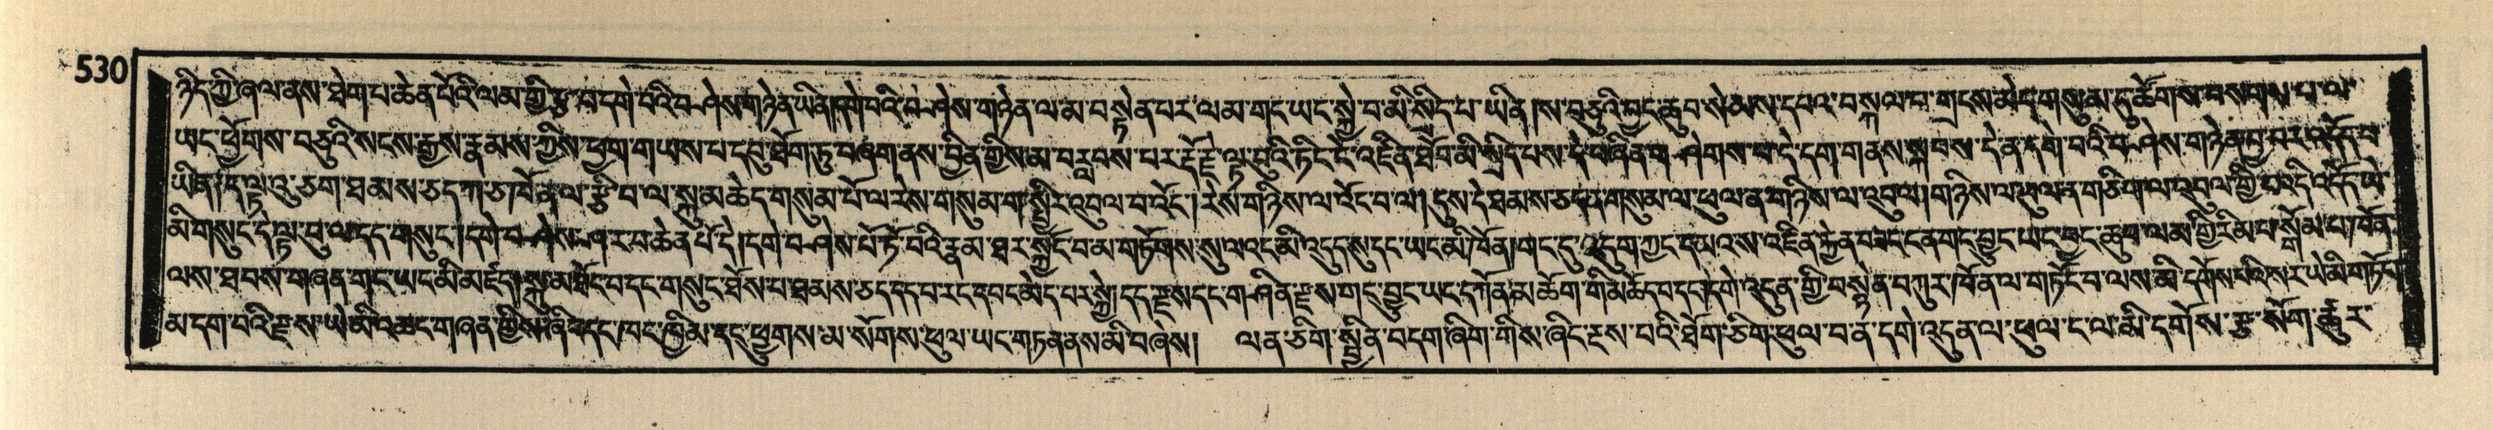ཉིད་ཀྱི་ཞལ་ནས་ཐེག་པ་ཆེན་པོའི་ལམ་གྱི་རྩ་བ་དགེ་བའི་བཤེས་གཉེན་ཡིན། དགེ་བའི་བཤེས་གཉེན་ལམ་བསྟེན་པར་ལམ་གང་ཡང་སྐྱེ་བ་མི་སྲིད་པ་ཡིན། ས་བཅུའི་བྱང་ཆུབ་སེམས་དཔའ་བསྐལ་བ་གྲངས་མེད་གསུམ་དུ་ཚོགས་བསགས་པ་ལ་
ཡང་ཕྱོགས་བཅུའི་སངས་རྒྱས་རྣམས་ཀྱིས་ཕྱག་གཡས་པ་དབུ་ཐོག་ཏུ་བཞག་ནས་བྱིན་གྱིས་མ་བརླབས་པར་རྡོ་རྗེ་ལྟ་བུའི་ཏིང་ངེ་འཛིན་ཐོབ་མི་སྲིད་པས་དེ་བཞིན་གཤེགས་པ་དེ་དག་གནས་སྐབས་དེ་ན་དགེ་བའི་བཤེས་གཉེན་བྱ་བར་འདོད་པ་
ཡིན༑ ད་ལྟ་འུ་ཅག་ཐམས་ཅད་ཀ་ཅ་ཁོ་ན་ལ་རྩི་བ་ལ་སྐུ་མཆེད་གསུམ་པོ་ལ་རེས་གསུམ་ག་སྤྱིར་འབུལ་བ་འོང་། རེས་གཉིས་ལ་འོང་བ་ལ། དུས་དེ་ཐམས་ཅད་ན་གསུམ་ལ་ཕུལ་ན་གཉིས་ལ་འབུལ། གཉིས་ལ་ཕུལ་ན་གཅིག་ལ་འབུལ་གྱི་བ་འདི་འདོད་ཡེ་
མི་གསུང་དེ་ལྟ་བུ་ལ་དད་གསུང་། དགེ་བཤེས་ཤར་པ་ཆེན་པོ་དེ། དགེ་བཤེས་པོ་ཏོ་བའི་རྣམ་ཐར་སྐྱོང་བ་མ་གཏོགས་སུ་ལའང་མི་འདུད་སུ་དང་ཡང་མི་ཁོ་ན། གང་དུ་འདུག་ཀྱང་དམའ་ས་འཛིན་རྐྱེན་བཟང་ངན་གང་བྱུང་ཡང་བྱང་ཆུབ་ལམ་གྱི་རིམ་པ་སྒོམ་པ་ཁོ་ན་
ལས་ཐབས་གཞན་གང་ཡང་མི་མཛད། སྐུ་མཐོང་བ་དང་གསུང་ཐོས་པ་ཐམས་ཅད་དད་པ་རང་དབང་མེད་པར་སྐྱེ། དད་རྫས་དང་གཤིན་རྫས་གང་བྱུང་ཡང་དཀོན་མཆོག་གི་མཆོད་བ་དང་། དགེ་འདུན་གྱི་བསྙེན་བཀུར་ཁོ་ན་ལ་གཏོང་བ་ལས་མི་དགོས་པའི་སར་ཡེ་མི་གཏོང་
མ་དག་བའི་རྫས་ཡེ་མི་འཆང་གཞན་གྱིས་ཞིང་དང་ཁང་ཁྱིམ་དང་ཕྱུགས་མ་སོགས་ཕུལ་ཡང་གཏན་ནས་མི་བཞེས། ལན་ཅིག་སྦྱིན་བདག་ཞིག་གིས་ཞིང་རྔས་བའི་ཐོག་ཅིག་ཕུལ་བ་ན་དགེ་འདུན་ལ་ཕུལ་ང་ལ་མི་དགོས་རྩ་སོག་ཚུར་